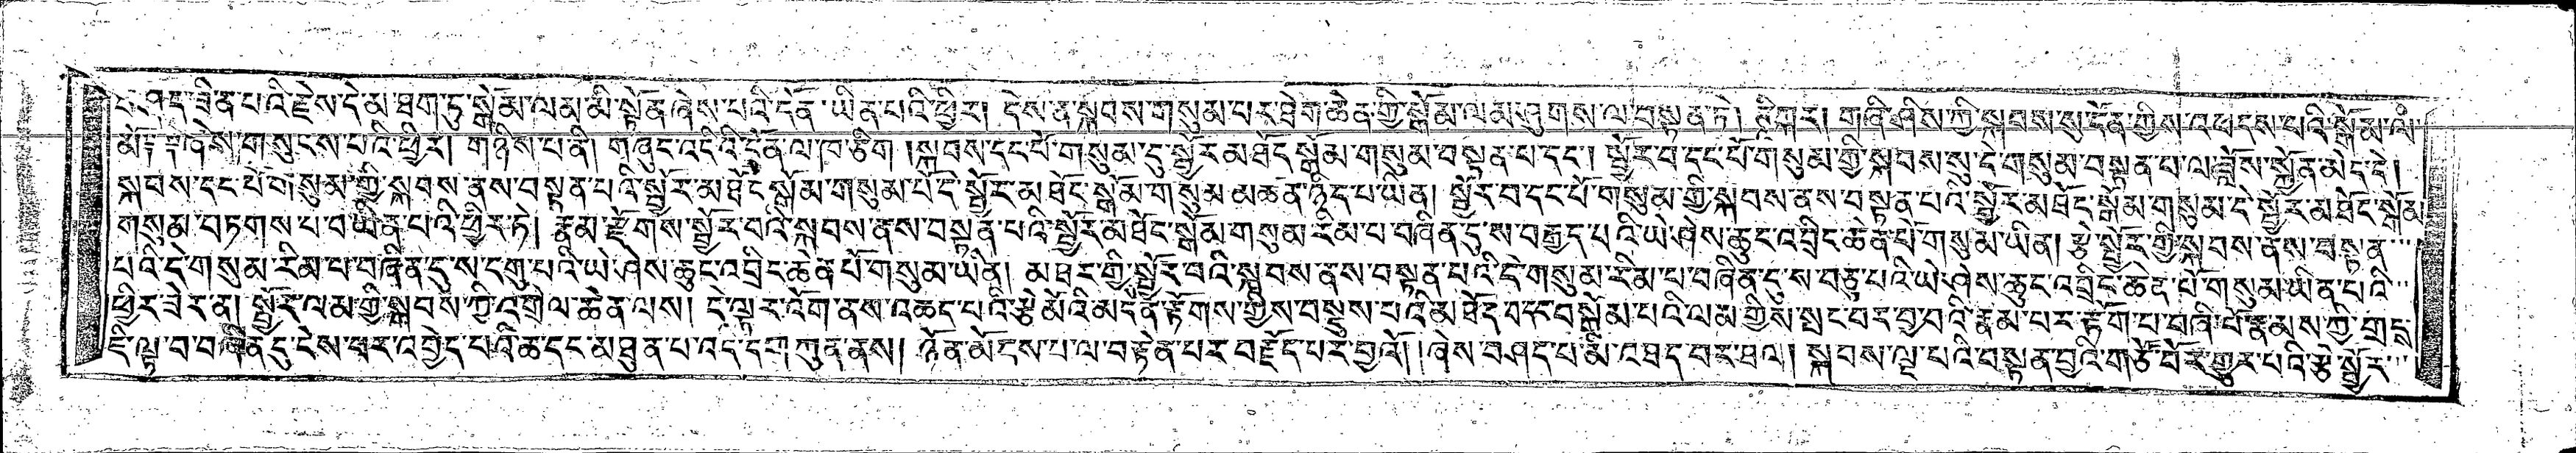བཤད་ཟིན་པའི་རྗེས་དེ་མ་ཐག་ཏུ་སྒོམ་ལམ་མི་སྟོན་ཞེས་པའི་དོན་ཡིན་པའི་ཕྱིར། དེས་ན་སྐབས་གསུམ་པར་ཐེག་ཆེན་གྱི་སྒོམ་ལམ་ཤུགས་ལ་བསྟན་ཏེ། ཊཱིཀྐར། གཞི་ཤེས་ཀྱི་སྐབས་སུ་དོན་གྱིས་འཕངས་པའི་སྒོམ་ལམ་
མོ༑ ༑ཞེས་གསུངས་པའི་ཕྱིར། གཉིས་པ་ནི། གཞུང་འདིའི་དོན་ལ་ཁ་ཅིག །སྐབས་དང་པོ་གསུམ་དུ་སྦྱོར་མཐོང་སྒོམ་གསུམ་བསྟན་པ་དང་། སྦྱོར་བ་དང་པོ་གསུམ་གྱི་སྐབས་སུ་དེ་གསུམ་བསྟན་པ་ལ་ཟློས་སྐྱོན་མེད་དེ།
སྐབས་དང་པོ་གསུམ་གྱི་སྐབས་ནས་བསྟན་པའི་སྦྱོར་མཐོང་སྒོམ་གསུམ་པོ་དེ་སྦྱོར་མཐོང་སྒོམ་གསུམ་མཚན་ཉིད་པ་ཡིན། སྦྱོར་བ་དང་པོ་གསུམ་གྱི་སྐབས་ནས་བསྟན་པའི་སྦྱོར་མཐོང་སྒོམ་གསུམ་དེ་སྦྱོར་མཐོང་སྒོམ་
གསུམ་བཏགས་པ་བ་ཡིན་པའི་ཕྱིར་ཏེ། རྣམ་རྫོགས་སྦྱོར་བའི་སྐབས་ནས་བསྟན་པའི་སྦྱོར་མཐོང་སྒོམ་གསུམ་རིམ་པ་བཞིན་དུ་ས་བརྒྱད་པའི་ཡེ་ཤེས་ཆུང་འབྲིང་ཆེན་པོ་གསུམ་ཡིན། རྩེ་སྦྱོར་གྱི་སྐབས་ནས་བསྟན་
པའི་དེ་གསུམ་རིམ་པ་བཞིན་དུ་ས་དགུ་པའི་ཡེ་ཤེས་ཆུང་འབྲིང་ཆེན་པོ་གསུམ་ཡིན། མཐར་གྱི་སྦྱོར་བའི་སྐབས་ནས་བསྟན་པའི་དེ་གསུམ་རིམ་པ་བཞིན་དུ་ས་བཅུ་པའི་ཡེ་ཤེས་ཆུང་འབྲིང་ཆེན་པོ་གསུམ་ཡིན་པའི་
ཕྱིར་ཟེར་ན། སྦྱོར་ལམ་གྱི་སྐབས་ཀྱི་འགྲེལ་ཆེན་ལས། དེ་ལྟར་འོག་ནས་འཆད་པའི་རྩེ་མོའི་མངོན་རྟོགས་གྱིས་བསྡུས་པའི་མཐོང་བ་དང་བསྒོམ་པའི་ལམ་གྱིས་སྤང་བར་བྱ་བའི་རྣམ་པར་རྟོག་པ་བཞི་པོ་རྣམས་ཀྱི་གྲངས་
ཇི་ལྟ་བ་བཞིན་དུ་ངེས་པར་འབྱེད་པའི་ཆ་དང་མཐུན་པ་འདི་དག་ཀུན་ནས། ཉོན་མོངས་པ་ལ་བརྟེན་པར་བརྗོད་པར་བྱའོ། །ཞེས་བཤད་པ་མི་འཐད་པར་ཐལ། སྐབས་ལྔ་པའི་བསྟན་བྱའི་གཙོ་བོར་གྱུར་པའི་རྩེ་སྦྱོར་